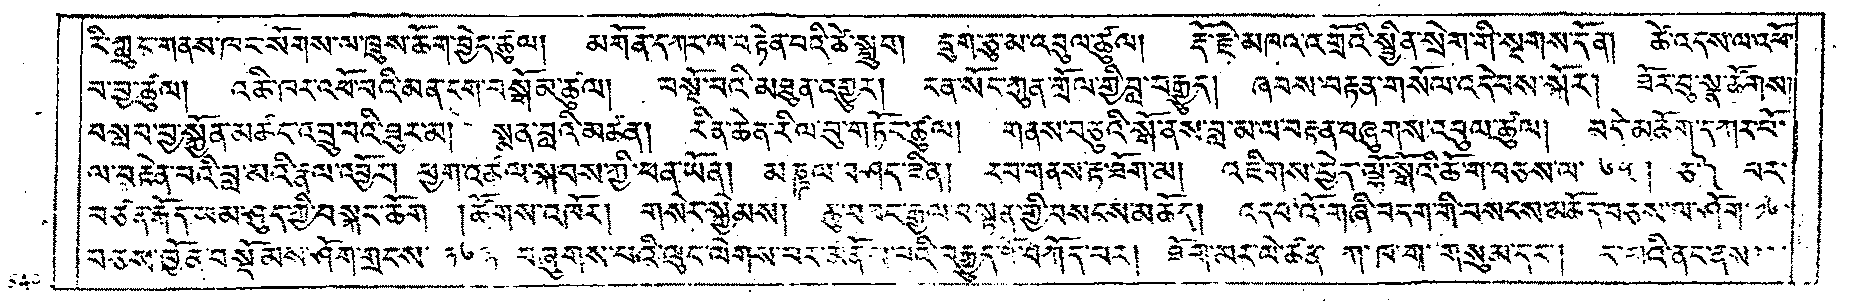རི་ཀླུང་གནས་ཁང་སོགས་ལ་ཁྲུས་ཆོག་བྱེད་ཚུལ། མགོན་དཀར་ལ་བརྟེན་པའི་ཚེ་སྒྲུབ། དྲུག་ཅུ་མ་འབུལ་ཚུལ། རྡོ་རྗེ་མཁའ་འགྲོའི་སྦྱིན་སྲེག་གི་སྔགས་དོན། ཚེ་འདས་ལ་འཕོ་
བ་བྱ་ཚུལ། འཆི་ཁར་འཕོ་བའི་མན་ངག་བསྒོམ་ཚུལ། བསྔོ་བའི་མཐུན་འགྱུར། ངན་སོང་ཀུན་གྲོལ་གྱི་བླ་བརྒྱུད། ཞབས་བརྟན་གསོལ་འདེབས་སྐོར། ཐོར་བུ་སྣ་ཚོགས།
བསླབ་བྱ་སྐྱོན་མཚང་འབྲུ་བའི་ཐུར་མ། སྨན་བླའི་མཚན། རིན་ཆེན་རིལ་བུ་གཏོང་ཚུལ། གནས་བཅུའི་སྒོ་ནས་བླ་མ་ལ་བརྟེན་བཞུགས་འབུལ་ཚུལ། བདེ་མཆོག་དཀར་པོ་
ལ་བརྟེན་པའི་བླ་མའི་རྣལ་འབྱོར། ཕྱག་འཚལ་སྐབས་ཀྱི་ཕན་ཡོན། མཎྜལ་བཤད་ཟིན། རབ་གནས་རྟ་ཐོག་མ། འཇིགས་བྱེད་ལྷོ་སྒོའི་ཆོ་ག་བཅས་ལ ༦༥། ཅ྄་པར་
བཙན་རྒོད་ཡམ་ཤུད་ཀྱི་བསྐང་ཆོག །ཚོགས་འཁོར། གསེར་སྐྱེམས། ཆུ་བཟང་རྒྱལ་བསྟན་གྱི་བསངས་མཆོད། འདབ་འོ་གཞི་བདག་གི་བསངས་མཆོད་བཅས་ལ་ཤོག ༡༦
བཅས་ཁྱོན་བསྡོམས་ཤོག་གྲངས ༢༦༣་བཞུགས་པའི་ལུང་ལེགས་པར་མནོས་པའི་བརྒྱུད་ཐོ་བཀོད་པར། ཐོག་མར་ལེ་ཚན་ཀ་ཁ་ག་གསུམ་དང་། ང་པའི་ནང་ནས་